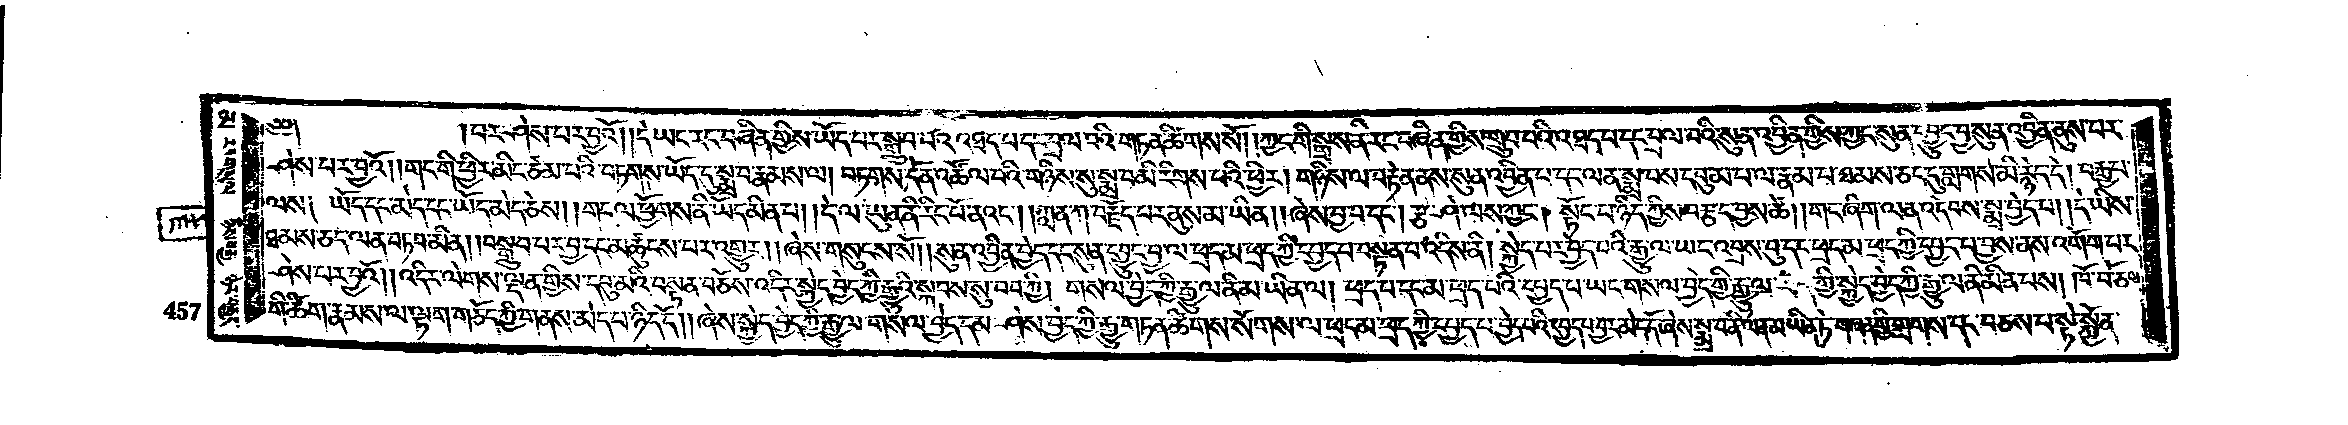༄༅། །པར་ཤེས་པར་བྱའོ། །དེ་ཡང་རང་བཞིན་གྱིས་ཡོད་པར་སྒྲུབ་པའི་འཐད་པ་དང་བྲལ་བའི་གཏན་ཚིགས་སོ། །ཀྱང་གི་སྒྲས་ནི་རང་བཞིན་གྱིས་གྲུབ་པའི་འཐད་པ་དང་བྲལ་བའི་སུན་འབྱིན་གྱིས་ཀྱང་སུན་དབྱུང་བྱ་སུན་འབྱིན་ནུས་པའི་
ཤེས་པར་བྱའོ། །གང་གི་ཕྱིར་མིང་ཙམ་པའི་བཏགས་ཡོད་དུ་སྨྲ་བ་རྣམས་ལ། བཏགས་དོན་འཚོལ་བའི་གཉིས་སུ་སྨྲ་བ་མི་རིགས་པའི་ཕྱིར། གཉིས་ལ་བརྟེན་ནས་སུན་འབྱིན་པ་དང་ལན་སྨྲ་བས་དབུ་མ་པ་ལ་རྣམ་པ་ཐམས་ཅད་དུ་གླགས་མི་རྙེད་དེ། བརྒྱ་བ་
ལས། ཡོད་དང་མེད་དང་ཡོད་མེད་ཅེས། །གང་ལ་ཕྱོགས་ནི་ཡོད་མིན་པ། །དེ་ལ་ཡུན་ནི་རིང་པོ་ནའང་། །ཀླན་ཀ་བརྗོད་པར་ནུས་མ་ཡིན། །ཞེས་བྱ་བ་དང་། རྩ་ཤེ་ལས་ཀྱང་། སྟོང་པ་ཉིད་ཀྱིས་བརྩད་བྱས་ཚེ། །གང་ཞིག་ལན་འདེབས་སྨྲ་བྱེད་པ། །དེ་ཡིས་
ཐམས་ཅད་ལན་བཏབ་མིན། །བསྒྲུབ་པར་བྱ་དང་མཚུངས་པར་འགྱུར། །ཞེས་གསུངས་སོ། །སུན་འབྱིན་བྱེད་དང་སུན་དབྱུང་བྱ་ལ་ཕྲད་མ་ཕྲད་ཀྱི་དཔྱད་པ་བསྟན་པ་འདིས་ནི། སྐྱེད་པར་བྱེད་པའི་རྒྱུ་ལ་ཡང་འབྲས་བུ་དང་ཕྲད་མ་ཕྲད་ཀྱི་དཔྱད་པ་བྱས་ནས་འགོག་པར་
ཤེས་པར་བྱའོ། །འདིར་ལེགས་ལྡན་གྱིས་དབུ་མའི་བསྟན་བཅོས་འདིར་སྐྱེད་བྱེད་ཀྱི་རྒྱུའི་སྐབས་སུ་བབ་ཀྱི། གསལ་བྱེད་ཀྱི་རྒྱུ་ལ་ནི་མ་ཡིན་ལ། ཕྲད་པ་དང་མ་ཕྲད་པའི་དཔྱད་པ་ཡང་གསལ་བྱེད་གྱི་རྒྱུ་ལ་ཡིན་གྱི་སྐྱེད་བྱེད་ཀྱི་རྒྱུ་ལ་ནི་མིན་པས། ཁོ་བོ་ཅག་
གི་ཚིག་རྣམས་ལ་ལྟག་གཅོད་ཀྱི་གནས་མེད་པ་ཉིད་དོ། །ཞེས་སྐྱེད་བྱེད་ཀྱི་རྒྱུ་ལ་གསལ་བྱེད་དམ་ཤེས་བྱེད་ཀྱི་རྒྱུ་གཏན་ཚིགས་སོགས་ལ་ཕྲད་མ་ཕྲད་ཀྱི་དཔྱད་པ་བྱེད་པའི་དཔྱད་པ་བྱར་མེད་དོ་ཞེས་སྨྲ་བ་ནི་ལན་མ་ཡིན་ཏེ་གཞན་གྱི་གླགས་དང་བཅས་པ་སྟེ་སྐྱོན་